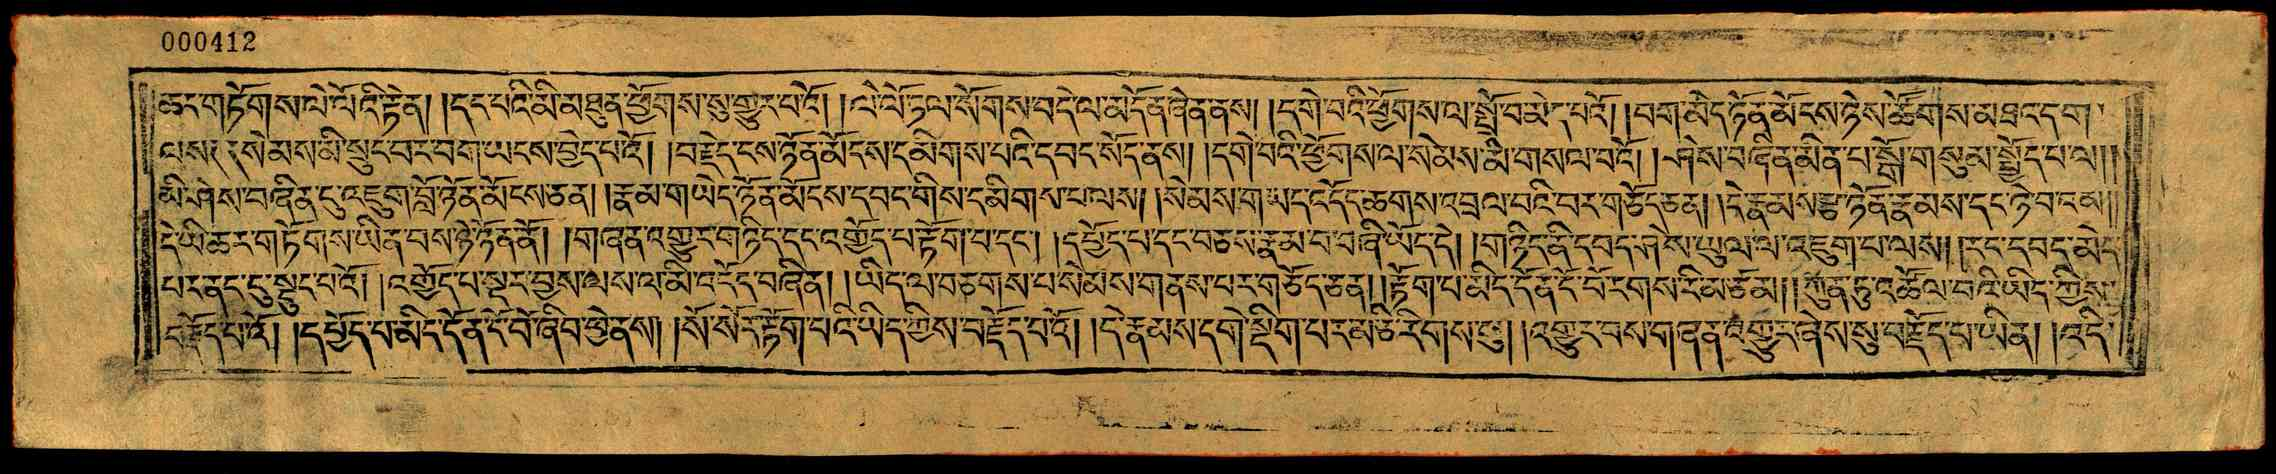ཆར་གཏོགས་ལེ་ལོའི་རྟེན། །དད་པའི་མི་མཐུན་ཕྱོགས་སུ་གྱུར་པའོ། །ལེ་ལོ་ཉལ་སོགས་བདེ་ལ་མངོན་ཞེན་ནས། །དགེ་བའི་ཕྱོགས་ལ་སྤྲོ་བ་མེད་པའོ། །བག་མེད་ཉོན་མོངས་ཉེས་ཚོགས་མཐའ་དག་
ལས། །སེམས་མི་སྲུང་བར་བག་ཡངས་བྱེད་པའོ། །བརྗེད་ངས་ཉོན་མོངས་དམིགས་པའི་དབང་སོང་ནས། །དགེ་བའི་ཕྱོགས་ལ་སེམས་མི་གསལ་བའོ། །ཤེས་བཞིན་མིན་པ་སྒོ་གསུམ་སྤྱོད་པ་ལ། །
མི་ཤེས་བཞིན་དུ་འཇུག་བློ་ཉོན་མོངས་ཅན། །རྣམ་གཡེང་ཉོན་མོངས་དབང་གིས་དམིགས་པ་ལས། །སེམས་གཡེང་འདོད་ཆགས་འབུལ་བའི་བར་གཅོད་ཅན། །དེ་རྣམས་རྩ་ཉོན་རྣམས་དང་ཉེ་བའམ། །
དེ་ཡི་ཆར་གཏོགས་ཡིན་པས་ཉེ་ཉོན་ནོ། །གཞན་འགྱུར་གཉེར་དང་འགྱོད་པ་རྟོག་པ་དང་། །དཔྱོད་པ་དང་བཅས་རྣམ་པ་བཞི་ཡོད་དེ། །གཉིད་ནི་དབང་ཤེས་ཡུལ་ལ་འཇུག་པ་ལས། །རང་དབང་མེད་
པར་ནང་དུ་སྡུད་པའོ། །འགྱོད་པ་སྔར་བྱས་ལས་ལ་མ་འདོད་བཞིན། །ཡིད་ལ་བཅགས་པ་སེམས་གནས་པར་གཅོད་ཅན། །རྟོག་པ་མིང་དོན་ངོ་བོ་རགས་རིམ་ཙམ། །ཀུན་ཏུ་འཚོལ་བའི་ཡིད་ཀྱིས་
བརྗོད་པའོ། །དཔྱོད་པ་མིང་དོན་ངོ་བོ་ཞིབ་ཕྱེ་ནས། །སོ་སོར་རྟོག་པའི་ཡིད་ཀྱིས་བརྗོད་པའོ། །དེ་རྣམས་དགེ་སྡིག་བར་མ་ཅི་རིགས་སུ། །འབྱུང་བས་གཞན་འགྱུར་ཞེས་སུ་བརྗོད་པ་ཡིན། །འདི་